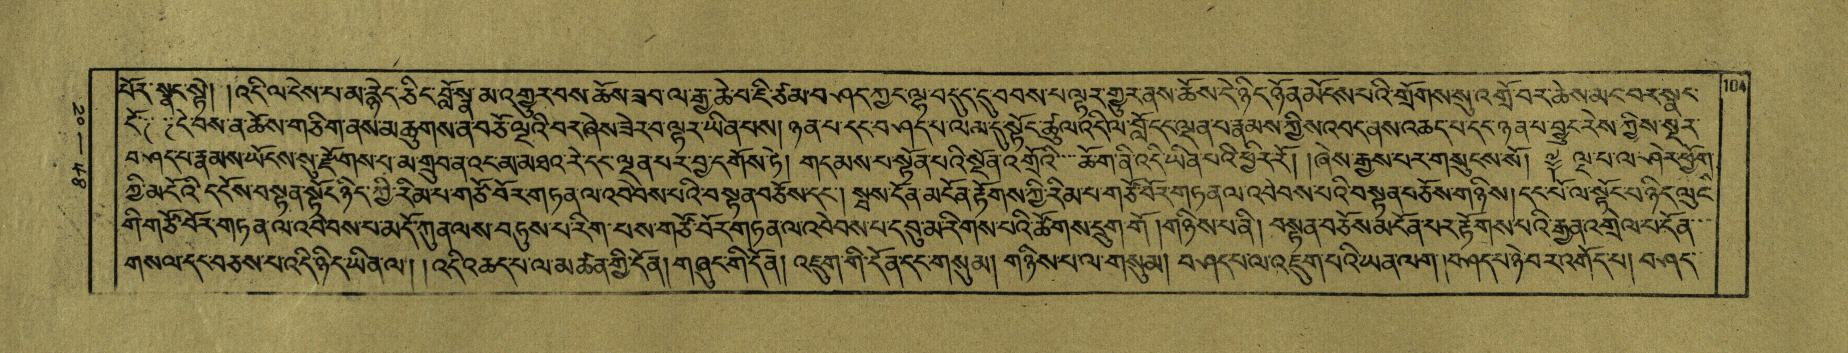པོར་སྣང་སྟེ། །འདི་ལ་དེས་པ་མ་རྙེད་ཅིང་བློ་སྣ་མ་འགྱུར་བས་ཆོས་ཟབ་ལ་རྒྱ་ཆེ་བ་ཇི་ཙམ་བཤད་ཀྱང་ལྷ་བདུད་དུ་བབས་པ་ལྟར་གྱུར་ནས་ཆོས་དེ་ཉིད་ཉོན་མོངས་པའི་གྲོགས་སུ་འགྲོ་བར་ཆེས་མང་བར་སྣང་
ངོ༑ ༑དེ་བས་ན་ཆོས་གཅིག་ནས་མཆུགས་ན་བཅོ་ལྔའི་བར་ཞེས་ཟེར་བ་ལྟར་ཡིན་པས། ཉན་པ་དང་བཤད་པ་ལམ་དུ་སྟོང་ཚུལ་འདི་ལ་བློ་དང་ལྡན་པ་རྣམས་ཀྱིས་འབད་ནས་འཆད་པ་དང་ཉན་པ་བྱུང་རེས་ཀྱིས་སྔར་
བཤད་པ་རྣམས་ཡོངས་སུ་རྫོགས་པ་མ་གྲུབ་ན་འང་མ་མཐའ་རེ་དང་ལྡན་པར་བྱ་དགོས་ཏེ། གདམས་པ་སྟོན་པའི་སྔོན་འགྲོའི་ཆོ་ག་ནི་འདི་ཡིན་པའི་ཕྱིར་རོ། །ཞེས་རྒྱས་པར་གསུངས་སོ། ༈ ལྔ་པ་ལ་ཤེར་ཕྱོགས་
ཀྱི་མངོའི་དངོས་བསྟན་སྟོང་ཉིད་ཀྱི་རིམ་པ་གཙོ་བོར་གཏན་ལ་འབེབས་པའི་བསྟན་བཅོས་དང་། སྦས་དོན་མངོན་རྟོགས་ཀྱི་རིམ་པ་གཙོ་བོར་གཏན་ལ་འབེབས་པའི་བསྟན་བཅོས་གཉིས། དང་པོ་ལ་སྟོང་པ་ཉིད་ལུང་
གི་གཙོ་བོར་གཏན་ལ་འབེབས་པ་མདོ་ཀུན་ལས་བཏུས་པ་རིག་པས་གཙོ་བོར་གཏན་ལ་འབེབས་པ་དབུ་མ་རིགས་པའི་ཚོགས་དྲུག་གོ། གཉིས་པ་ནི། བསྟན་བཅོས་མངོན་པར་རྟོགས་པའི་རྒྱན་འགྲེལ་པ་དོན་
གསལ་དང་བཅས་པ་འདི་ཉིད་ཡིན་ལ། །འདི་འཆད་པ་ལ་མཚན་གྱི་དོན། གཞུང་གི་དོན། འཇུག་གི་དོན་དང་གསུམ། གཉིས་པ་ལ་གསུམ། བཤད་པ་ལ་འཇུག་པའི་ཡན་ལག། བཤད་པ་ཉེ་བར་འགོད་པ། བཤད་